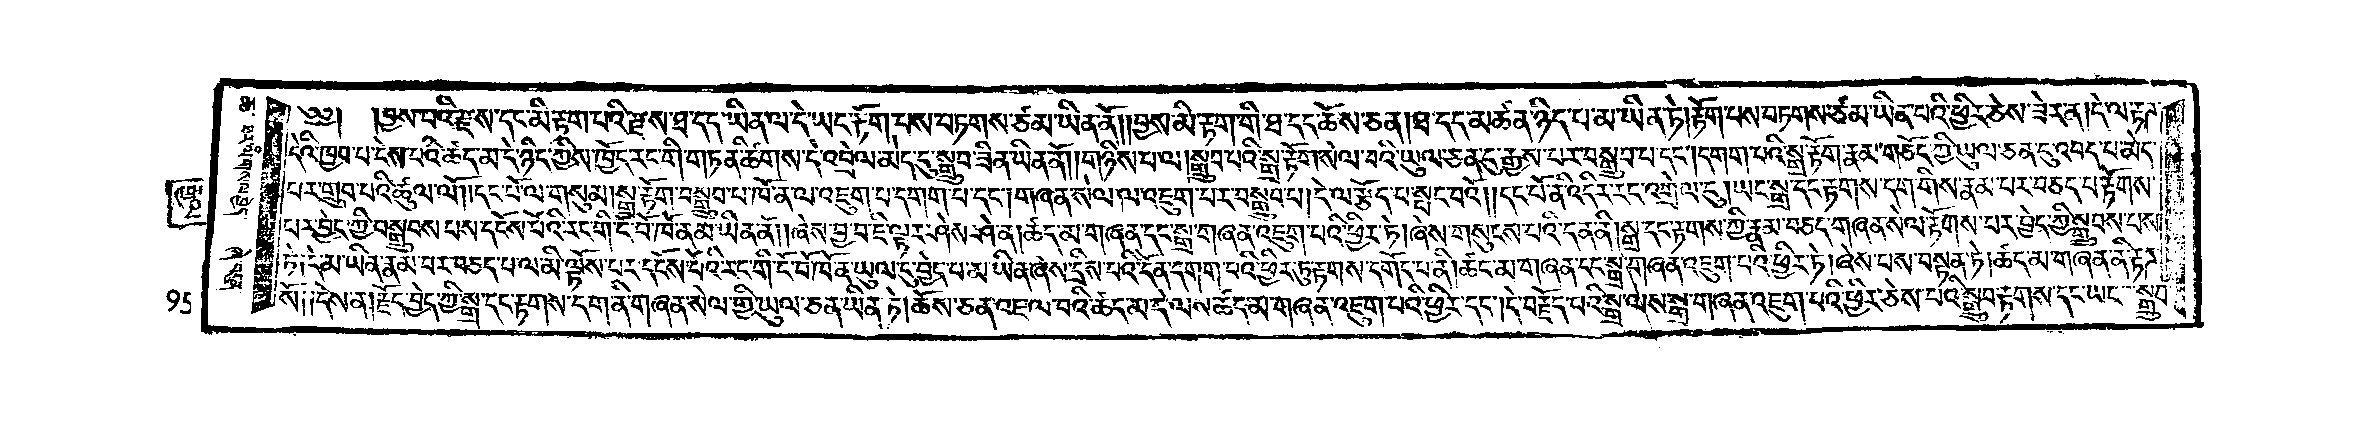༄༅། །བྱས་པའི་རྫས་དང་མི་རྟག་པའི་རྫས་ཐ་དད་ཡིན་ལ་དེ་ཡང་རྟོག་པས་བཏགས་ཙམ་ཡིན་ནོ། །བྱས་མི་རྟག་གི་ཐ་དད་ཆོས་ཅན། ཐ་དད་མཚན་ཉིད་པ་མ་ཡིན་ཏེ། རྟོག་པས་བཏགས་ཙམ་ཡིན་པའི་ཕྱིར་ཅེས་ཟེར་ན། དེ་ལ་རྟཌ་?
དེའི་ཁྱབ་པ་ངེས་པའི་ཚད་མ་དེ་ཉིད་ཀྱིས་ཁྱོད་རང་གི་གཏན་ཚིགས་དེ་འབྲེལ་མེད་དུ་སྒྲུབ་ཟིན་ཡིན་ནོ། །གཉིས་པ་ལ། སྒྲུབ་པའི་སྒྲ་རྟོག་སེལ་བའི་ཡུལ་ཅན་དུ་རྒྱས་པར་བསྒྲུབ་པ་དང་། དགག་པའི་སྒྲ་རྟོག་རྣམ་གཅོད་ཀྱི་ཡུལ་ཅན་དུ་འབད་པ་མེད་
པར་གྲུབ་པའི་ཚུལ་ལོ། །དང་པོ་ལ་གསུམ། སྒྲ་རྟོག་བསྒྲུབ་པ་ཁོ་ན་ལ་འཇུག་པ་དགག་པ་དང་། གཞན་སེལ་ལ་འཇུག་པར་བསྒྲུབ་པ། དེ་ལ་རྩོད་པ་སྤང་བའོ། །དང་པོ་ནི་འདིར་རང་འགྲེལ་དུ། ཡང་སྒྲ་དང་རྟགས་དག་གིས་རྣམ་པར་བཅད་པ་རྟོགས་
པར་བྱེད་ཀྱི་བསྒྲུབས་པས་དངོས་པོའི་རང་གི་ངོ་བོ་ཁོ་ན་མ་ཡིན་ནོ། །ཞེས་བྱ་བ་ཇི་ལྟར་ཤེས་ཤེ་ན། ཚད་མ་གཞན་དང་སྒྲ་གཞན་འཇུག་པའི་ཕྱིར་ཏེ། ཞེས་གསུངས་པའི་དོན་ནི། སྒྲ་དང་རྟགས་ཀྱི་རྣམ་བཅད་གཞན་སེལ་རྟོགས་པར་བྱེད་ཀྱི་སྒྲུབས་པས་
ཏེ། དེ་མ་ཡིན་རྣམ་པར་བཅད་པ་ལ་མི་ལྟོས་པར་དངོས་པོའི་རང་གི་ངོ་བོ་ཁོ་ན་ཡུལ་དུ་བྱེད་པ་མ་ཡིན་ཞེས་དྲིས་པའི་དོན་དགག་པའི་ཕྱིར་ཏུ་རྟགས་དགོད་པ་ནི། ཚད་མ་གཞན་དང་སྒྲ་གཞན་འཇུག་པའི་ཕྱིར་ཏེ། ཞེས་པས་བསྟན་ཏེ། ཚད་མ་གཞན་ནི་རྟཌ་?
སོ། །དེས་ན། རྗོད་བྱེད་ཀྱི་སྒྲ་དང་རྟགས་དག་ནི་གཞན་སེལ་གྱི་ཡུལ་ཅན་ཡིན་ཏེ། ཆོས་ཅན་འཇལ་བའི་ཚད་མ་དེ་ལས་ཚད་མ་གཞན་འཇུག་པའི་ཕྱིར་དང་། དེ་བརྗོད་པའི་སྒྲ་ལས་སྒྲ་གཞན་འཇུག་པའི་ཕྱིར་ཅེས་པའི་སྒྲུབ་རྟགས་དང་ཡང་སྒྲུབ་